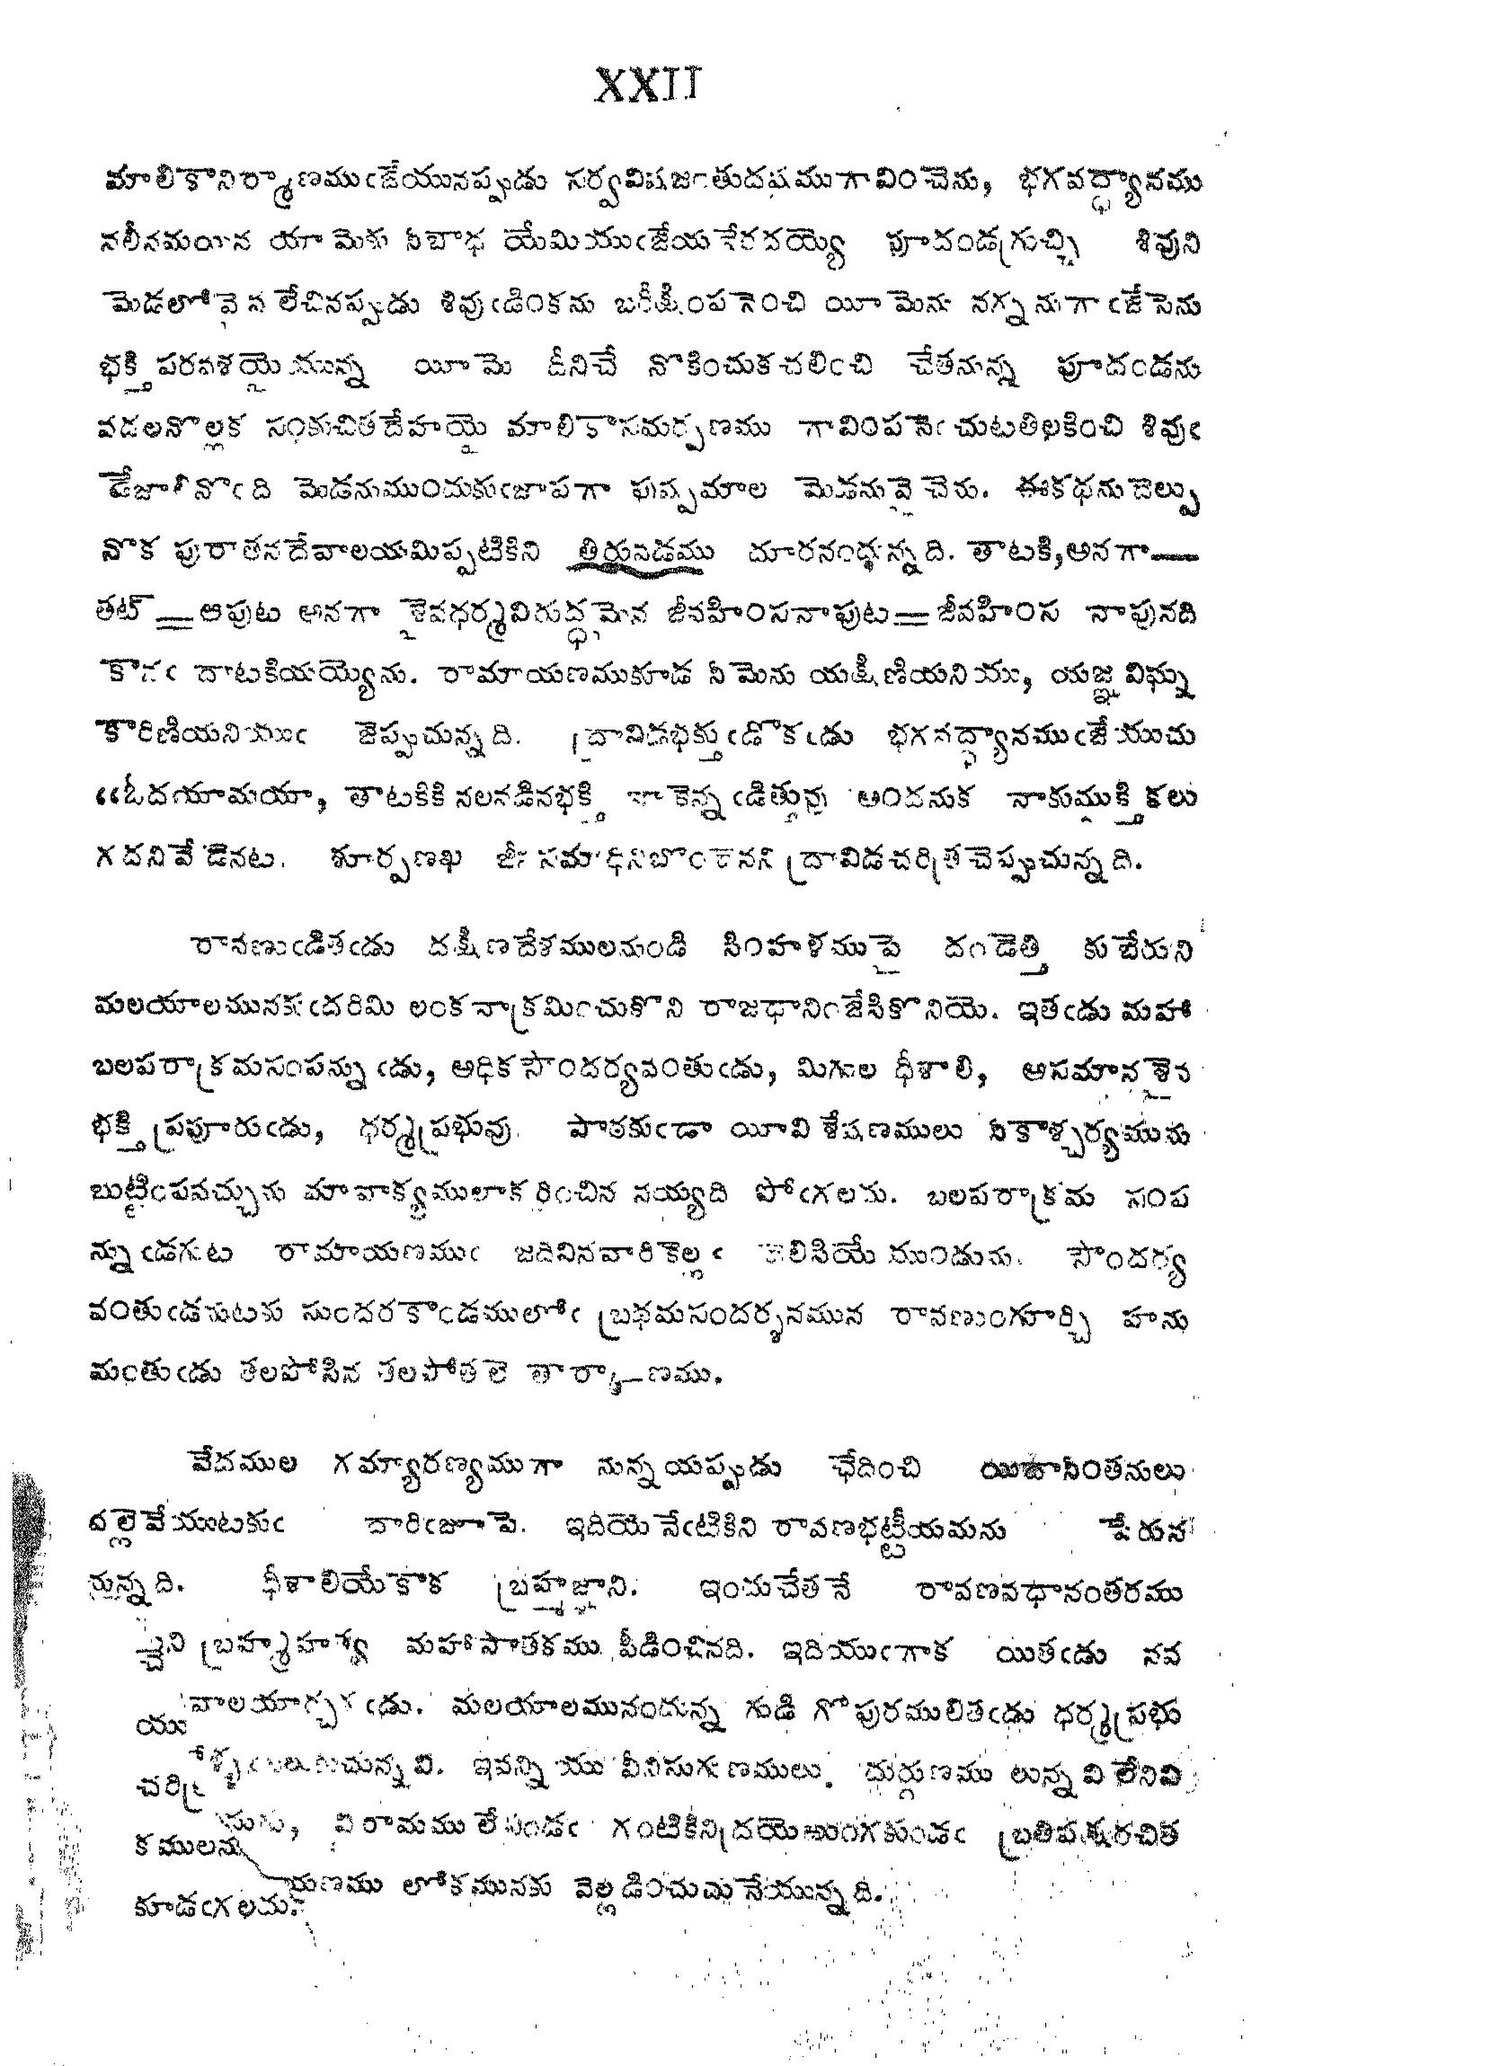మాలికాని ర్మాణము చేయునప్పుడు సర్వవిష జంతుదష్టము గావించెను, భగవధ్యానమున
లీనమయిన యామెకు నీబాధయేమియుఁజేయ నేరదయ్యె. పూదండ గుచ్చి శివుని
మెడలో వైచి నప్పుడు శివుడింకను బరీక్షింప నెంచి యీమెను నగ్నముగా జేసెను
భక్తి పరవశయై యున్న యీమె దీనిచే నొకించుక చలించి చేతనున్న పూదండను
వదల నొల్లక సంకుచిత దేహయై మాలి కాసమర్పణము గావింప నెంచుట తిలకించి శివు
డే జాలి నొంది మెడను ముందుకుఁ జాపగా పుష్పమాల మెడను వైచెను. ఈకథను దెల్పు
నొక పురాతన దేవాలయ మిప్పటికిని తిరుపడము దూరనందున్నది. తాటకి, అనగా--
తట్ --ఆపుట అనగా శైవధర్మవిరుద్ధమైన జీవహింస నాపుట== జీవహింస నాపునది
కానఁ దాటకి యయ్యెను. రామాయణము కూడ నీమెను యక్షిణీయనియు, యజ్ఞ విఘ్న
కారిణి యనియు జెప్పు చున్నది. !ద్రావిడ భక్తుఁడొకఁడు భగవధ్యానము జేయుచు
«« ఓదయామయా, తాటకికి నలవడినభక్తి -- నాకెన్నడిత్తువు 'అందనుక నాకుముక్తి కలు
గదని వేడెనట. శూర్పణఖ జీవసమాది బొందెనని ద్రావిడ చరిత్ర చెప్పుచున్న ది.

రావణుఁడితడు దక్షిణ దేశములనుండి సింహళముపై దండెత్తి కుబేరుని
మలయాలమునకు దరిమి లంక నాక్రమించుకొని రాజధానిఁ జేసికొనియె. ఇతఁడు మహా
బలపరాక్రమ సంపన్నుడు, అధిక సౌందర్య వంతుఁడు, మిగల ధీశాలి, అసమాన శైవ
భక్తి ప్రపూరుఁడు, ధర్మ ప్రభువు. పొఠకుఁడా యీవి శేషణములు ఏ కాశ్చర్యమును
బుట్టింప వచ్చును మావాక్యము లాకరించిన సయ్యది పోఁగలను. బలపరాక్రమ సంప
న్ను డగట రామాయణముఁ జదివిన వారికెల్ల - తెలిసియే యుండును. సౌందర్య
వంతుఁడగుటకు సుందర కాండములోఁ బ్రథమ సందర్శనమున రావణుం గూర్చి హను
మంతుఁడు తలపోసిన తలపోతలె తార్కాణము,

వేదముల గమ్యారణ్యముగా నున్న యప్పుడు ఛేదించి యిదానంతనులు
వల్లె వేయుటకుఁ దారిచూపె.ఇదియే నేటికిని రావణభట్టీయమను పేరున
నున్నది.ధీశాలియే కాక బ్రహ్మజ్ఞాని. ఇంచుచేతనే రావణవధానంతరము
చేసిని బ్రహ్మహత్య మహా పాతకము పీడించినది. ఇదియుఁగాక యితఁడు నవ
కాల......యార్చకుడు. మలయాలమునందున్న గుడి గోపురములితఁడు ధర్మ ప్రభు
చరిత్రకళ్ళ క ల చున్నది.. ఇవన్నియు వీని సుగుణములు. "దుర్గుణము లున్నవి లేనివి
....కములసు విరామము లేండఁ గంటికి నిద్రయెఱుంగ కుండఁ బ్రతిపక్షరచిత
......కూడగలదు. ...మణము లోకమునకు వెల్లడించుచునే యున్నది..